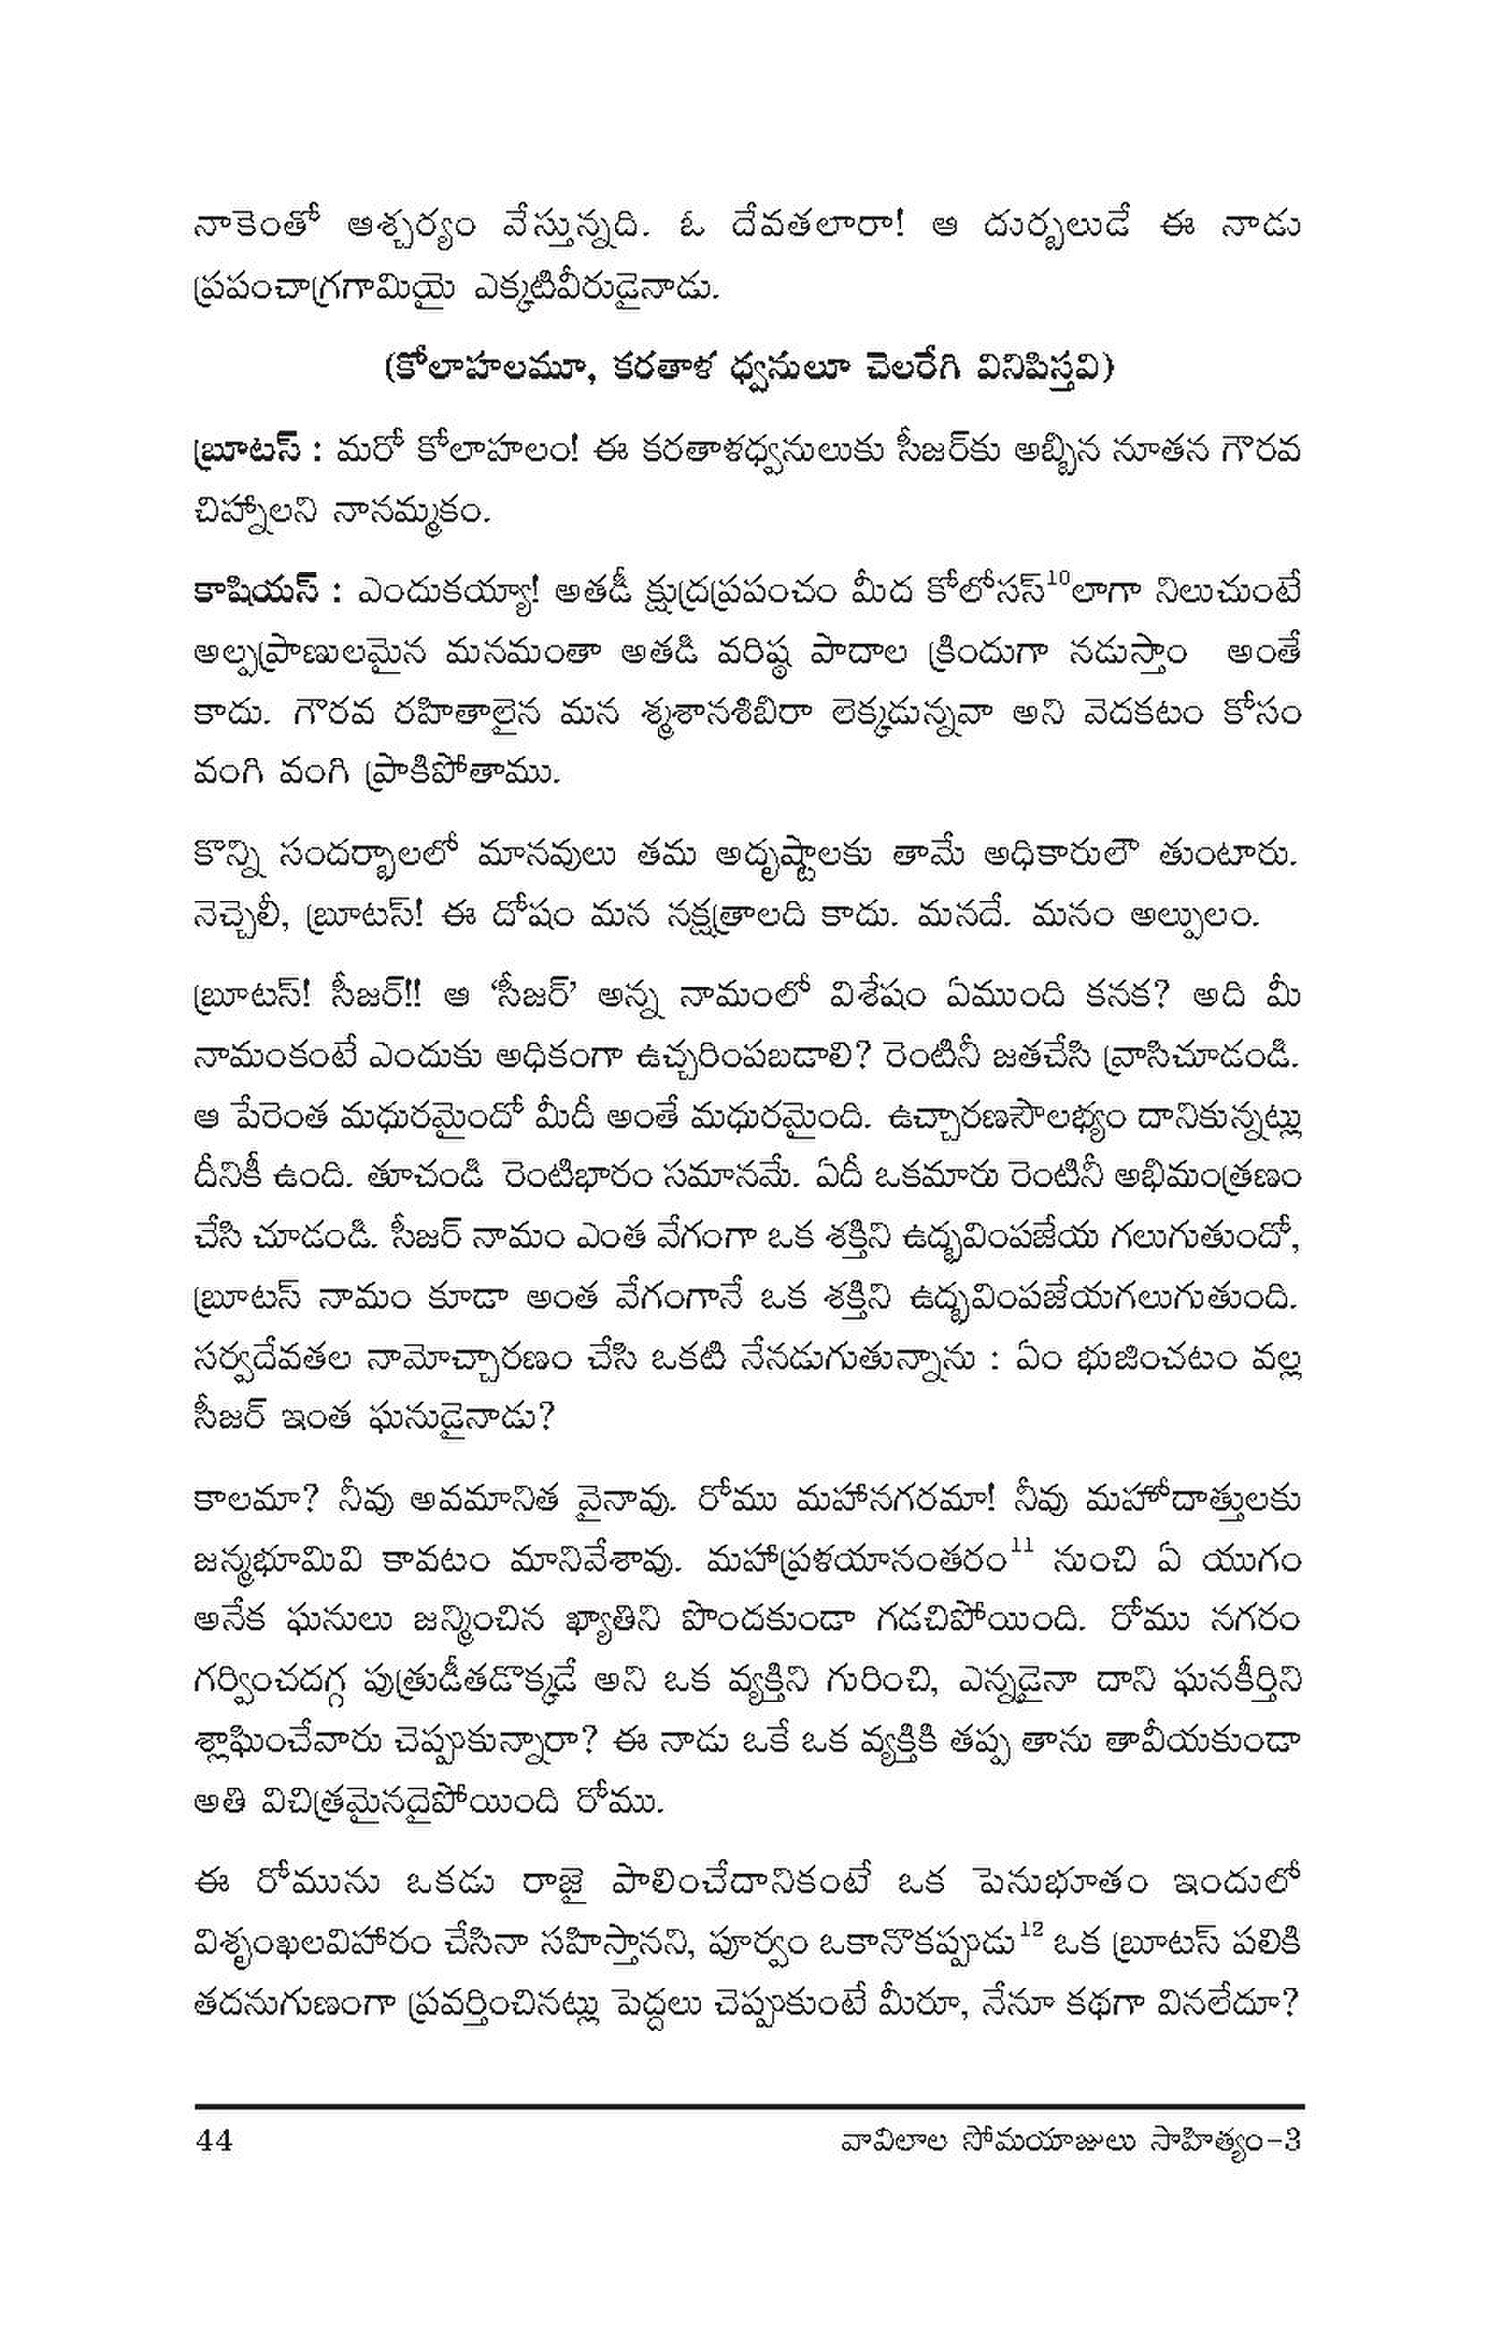నాకెంతో ఆశ్చర్యం వేస్తున్నది. ఓ దేవతలారా! ఆ దుర్బలుడే ఈ నాడు ప్రపంచాగ్రగామియై ఎక్కటివీరుడైనాడు.

బ్రూటస్ : మరో కోలాహలం! ఈ కరతాళధ్వనులుకు సీజర్ కు అబ్బిన నూతన గౌరవ చిహ్నాలని నానమ్మకం.

కాషియస్ : ఎందుకయ్యా! అతడీ క్షుద్రప్రపంచం మీద కోలోసస్"లాగా నిలుచుంటే అల్పప్రాణులమైన మనమంతా అతడి వరిష్ఠ పాదాల క్రిందుగా నడుస్తాం అంతే కాదు. గౌరవ రహితాలైన మన శ్మశానశిబిరా లెక్కడున్నవా అని వెదకటం కోసం వంగి వంగి ప్రాకిపోతాము.

కొన్ని సందర్భాలలో మానవులు తమ అదృష్టాలకు తామే అధికారులౌ తుంటారు. నెచ్చెలీ, బ్రూటస్ ! ఈ దోషం మన నక్షత్రాలది కాదు. మనదే. మనం అల్పులం.

బ్రూటస్! సీజర్!! ఆ 'సీజర్' అన్న నామంలో విశేషం ఏముంది కనక? అది మీ నామంకంటే ఎందుకు అధికంగా ఉచ్చరింపబడాలి? రెంటినీ జతచేసి వ్రాసిచూడండి. ఆ పేరెంత మధురమైందో మీదీ అంతే మధురమైంది. ఉచ్చారణ సౌలభ్యం దానికున్నట్లు దీనికీ ఉంది. తూచండి రెంటిభారం సమానమే. ఏదీ ఒకమారు రెంటినీ అభిమంత్రణం
చేసి చూడండి. సీజర్ నామం ఎంత వేగంగా ఒక శక్తిని ఉద్భవింపజేయ గలుగుతుందో, బ్రూటస్ నామం కూడా అంత వేగంగానే ఒక శక్తిని ఉద్భవింపజేయగలుగుతుంది. సర్వదేవతల నామోచ్చారణం చేసి ఒకటి నేనడుగుతున్నాను : ఏం భుజించటం వల్ల సీజర్ ఇంత ఘనుడైనాడు?

కాలమా? నీవు అవమానిత వైనావు. రోము మహానగరమా! నీవు మహోదాత్తులకు జన్మభూమివి కావటం మానివేశావు. మహాప్రళయానంతరం" నుంచి ఏ యుగం అనేక ఘనులు జన్మించిన ఖ్యాతిని పొందకుండా గడచిపోయింది. రోము నగరం
గర్వించదగ్గ పుత్రుడీతడొక్కడే అని ఒక వ్యక్తిని గురించి, ఎన్నడైనా దాని ఘనకీర్తిని శ్లాఘించేవారు చెప్పుకున్నారా? ఈ నాడు ఒకే ఒక వ్యక్తికి తప్ప తాను తావీయకుండా అతి విచిత్రమైనదైపోయింది రోము.

ఈ రోమును ఒకడు రాజై పాలించేదానికంటే ఒక పెనుభూతం ఇందులో విశృంఖలవిహారం చేసినా సహిస్తానని, పూర్వం ఒకానొకప్పుడు12 ఒక బ్రూటస్ పలికి తదనుగుణంగా ప్రవర్తించినట్లు పెద్దలు చెప్పుకుంటే మీరూ, నేనూ కథగా వినలేదూ?